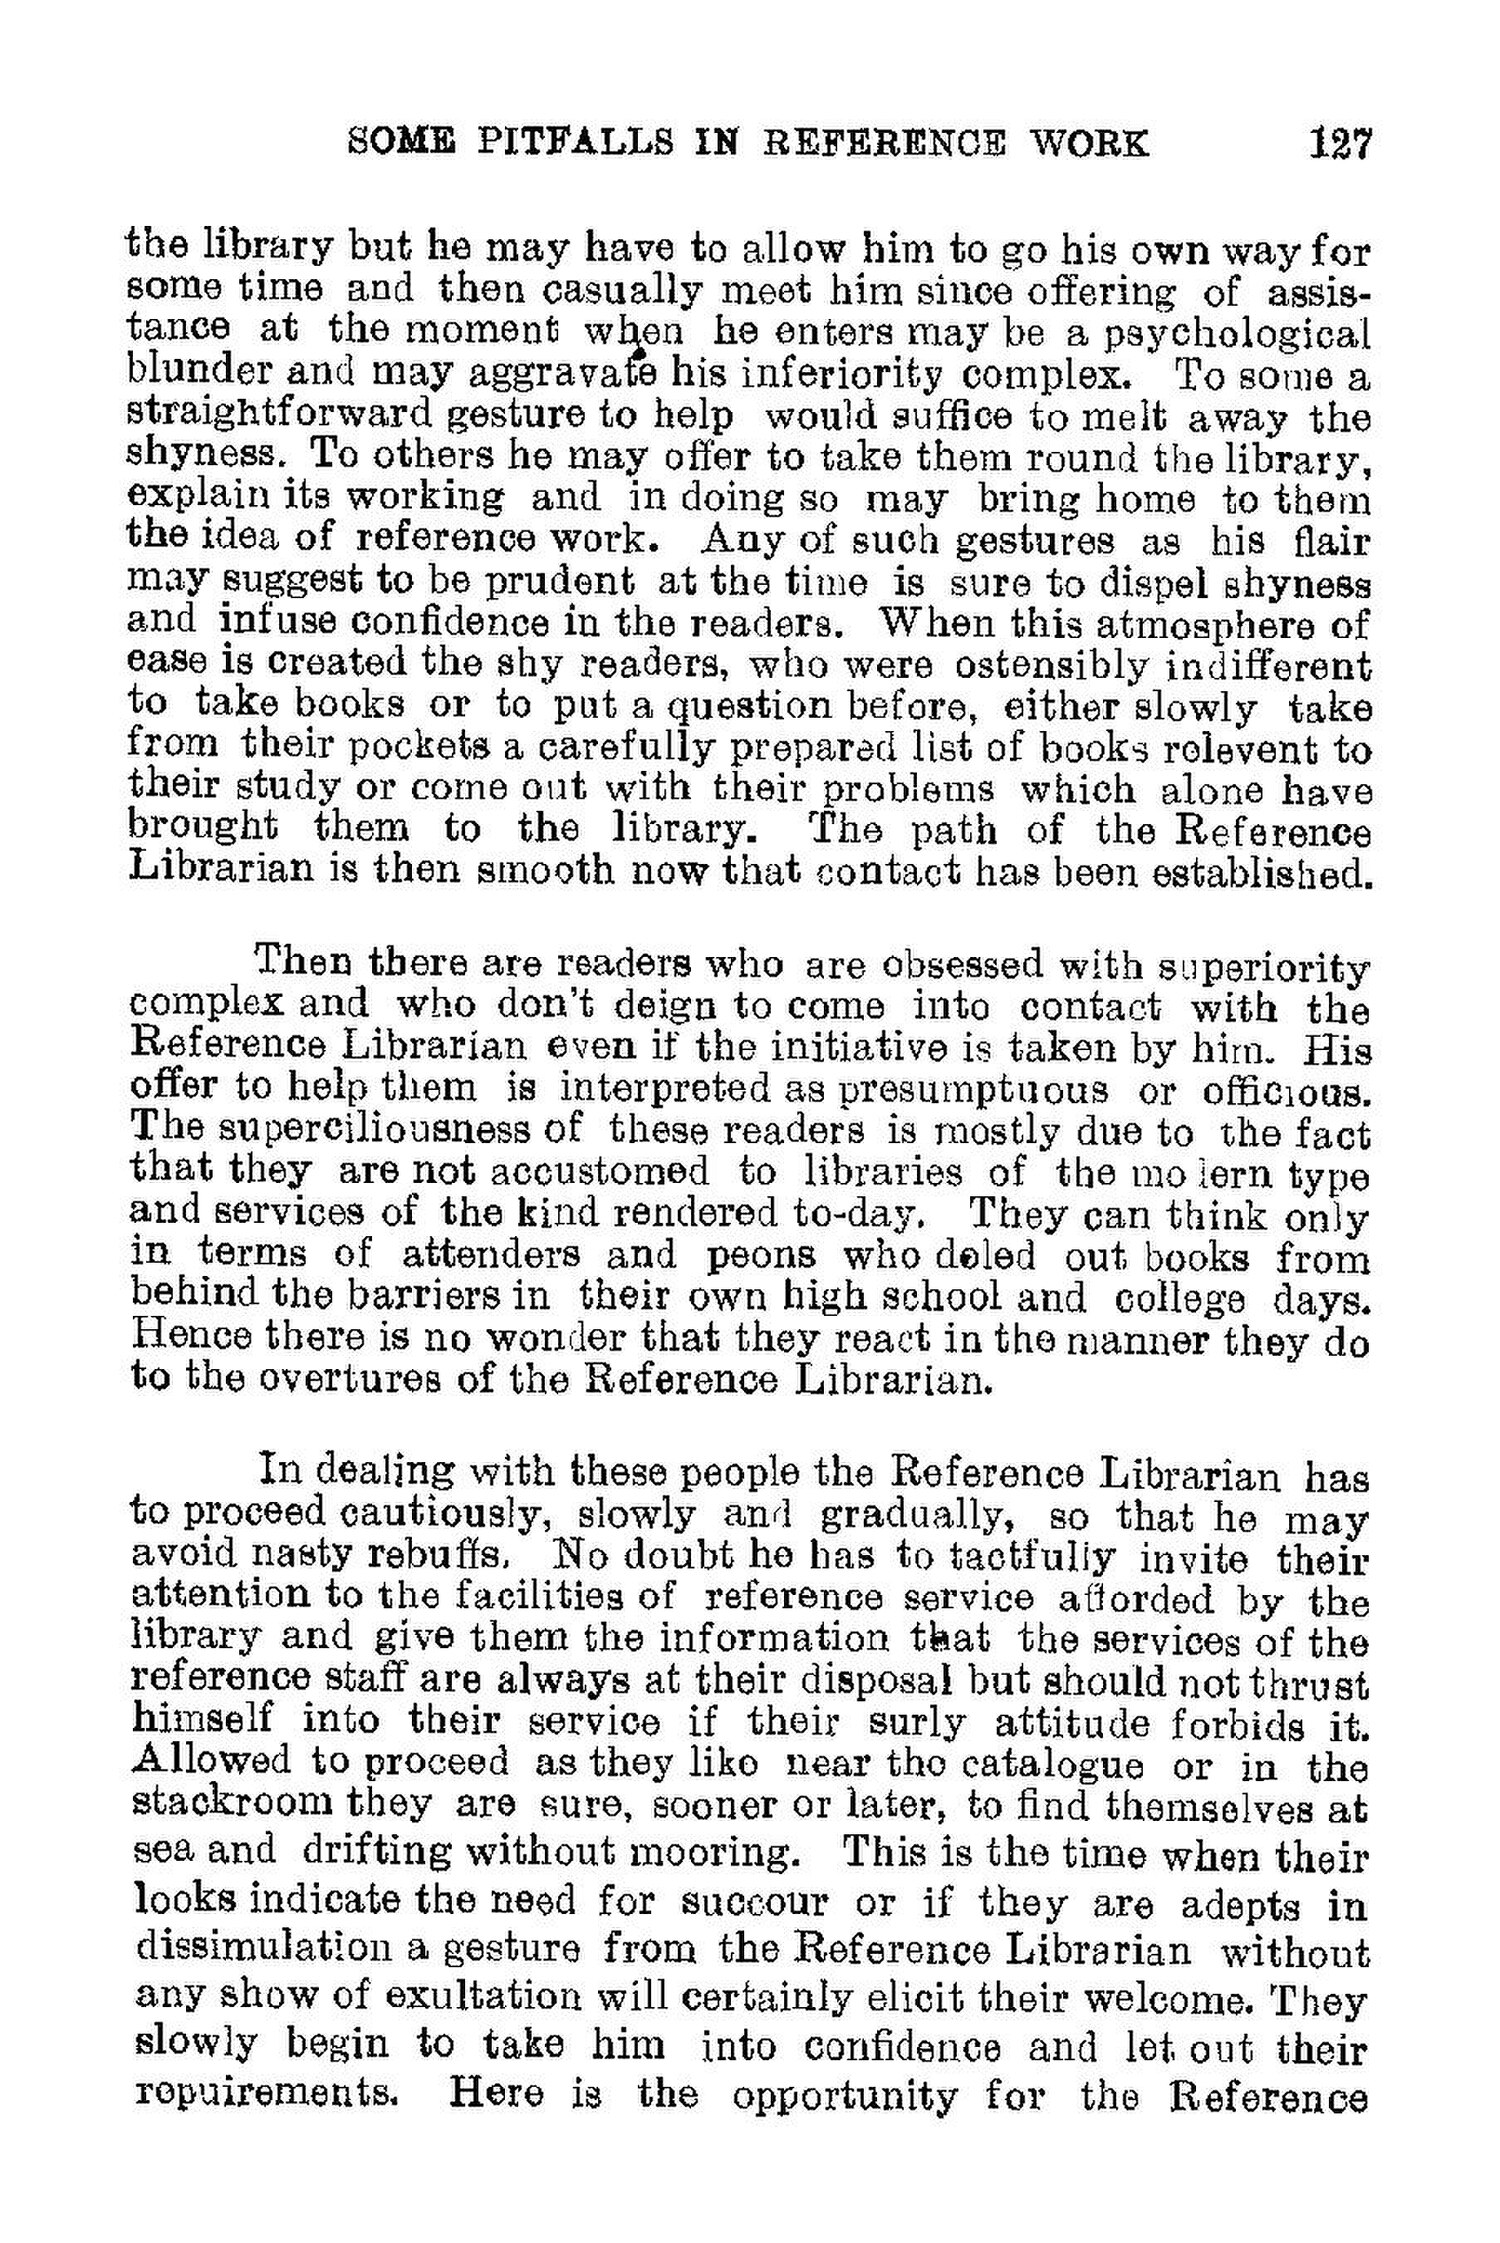the library but he may have to allow him to go his own way for some time and then casually meet him since 
offering of assistance at the moment when he enters may be a psychological blunder and may aggravate his inferiority complex. To some a straightforward gesture to help would suffice to melt away the shyness. To 
others he may offer to take them round the library, explain its working and in doing so may bring home to 
them the idea of reference work. Any of such gestures as his flair may suggest to be prudent at the time 
is sure to dispel shyness and infuse confidence in the readers. When this atmosphere of ease is created 
the shy readers, who were ostensibly indifferent to take books or to put a question before, either slowly 
take from their pockets a carefully prepared list of books relevant to their study or come out with their 
problems which alone have brought them to the library. The path of the Reference Librarian is then smooth 
now that contact has been established.

Then there are readers who are obsessed with superiority complex and who don't deign to come into contact 
with the Reference Librarian even if the initiative is taken by him. His offer to help them is interpreted 
as presumptuous or officious. The superciliousness of these readers is mostly due to the fact that they 
are not accustomed to libraries of the modern type and services of the kind rendered to-day. They can think 
only in terms of attenders and peons who deled out books from behind the barriers in their own high school 
and college days. Hence there is no wonder that they react in the manner they do to the overtures of the 
Reference Librarian.

In dealing with these people the Reference Librarian has to proceed cautiously, slowly and gradually, 
so that he may avoid nasty rebuffs. No doubt he has to tactfully invite their attention to the 
facilities of reference service afforded by the library and give them the information that the services 
of the reference staff are always at their disposal but should not thrust himself into their service if 
their surly attitude forbids it. Allowed to proceed as they like near the catalogue or in the stackroom 
they are sure, sooner or later, to find themselves at sea and drifting without mooring. This is the time 
when their looks indicate the need for succour or if they are adepts in dissimulation a gesture from the 
Reference Librarian without any show of exultation will certainly elicit their welcome. They slowly begin 
to take him into confidence and let out their requirements. Here is the opportunity for the Reference